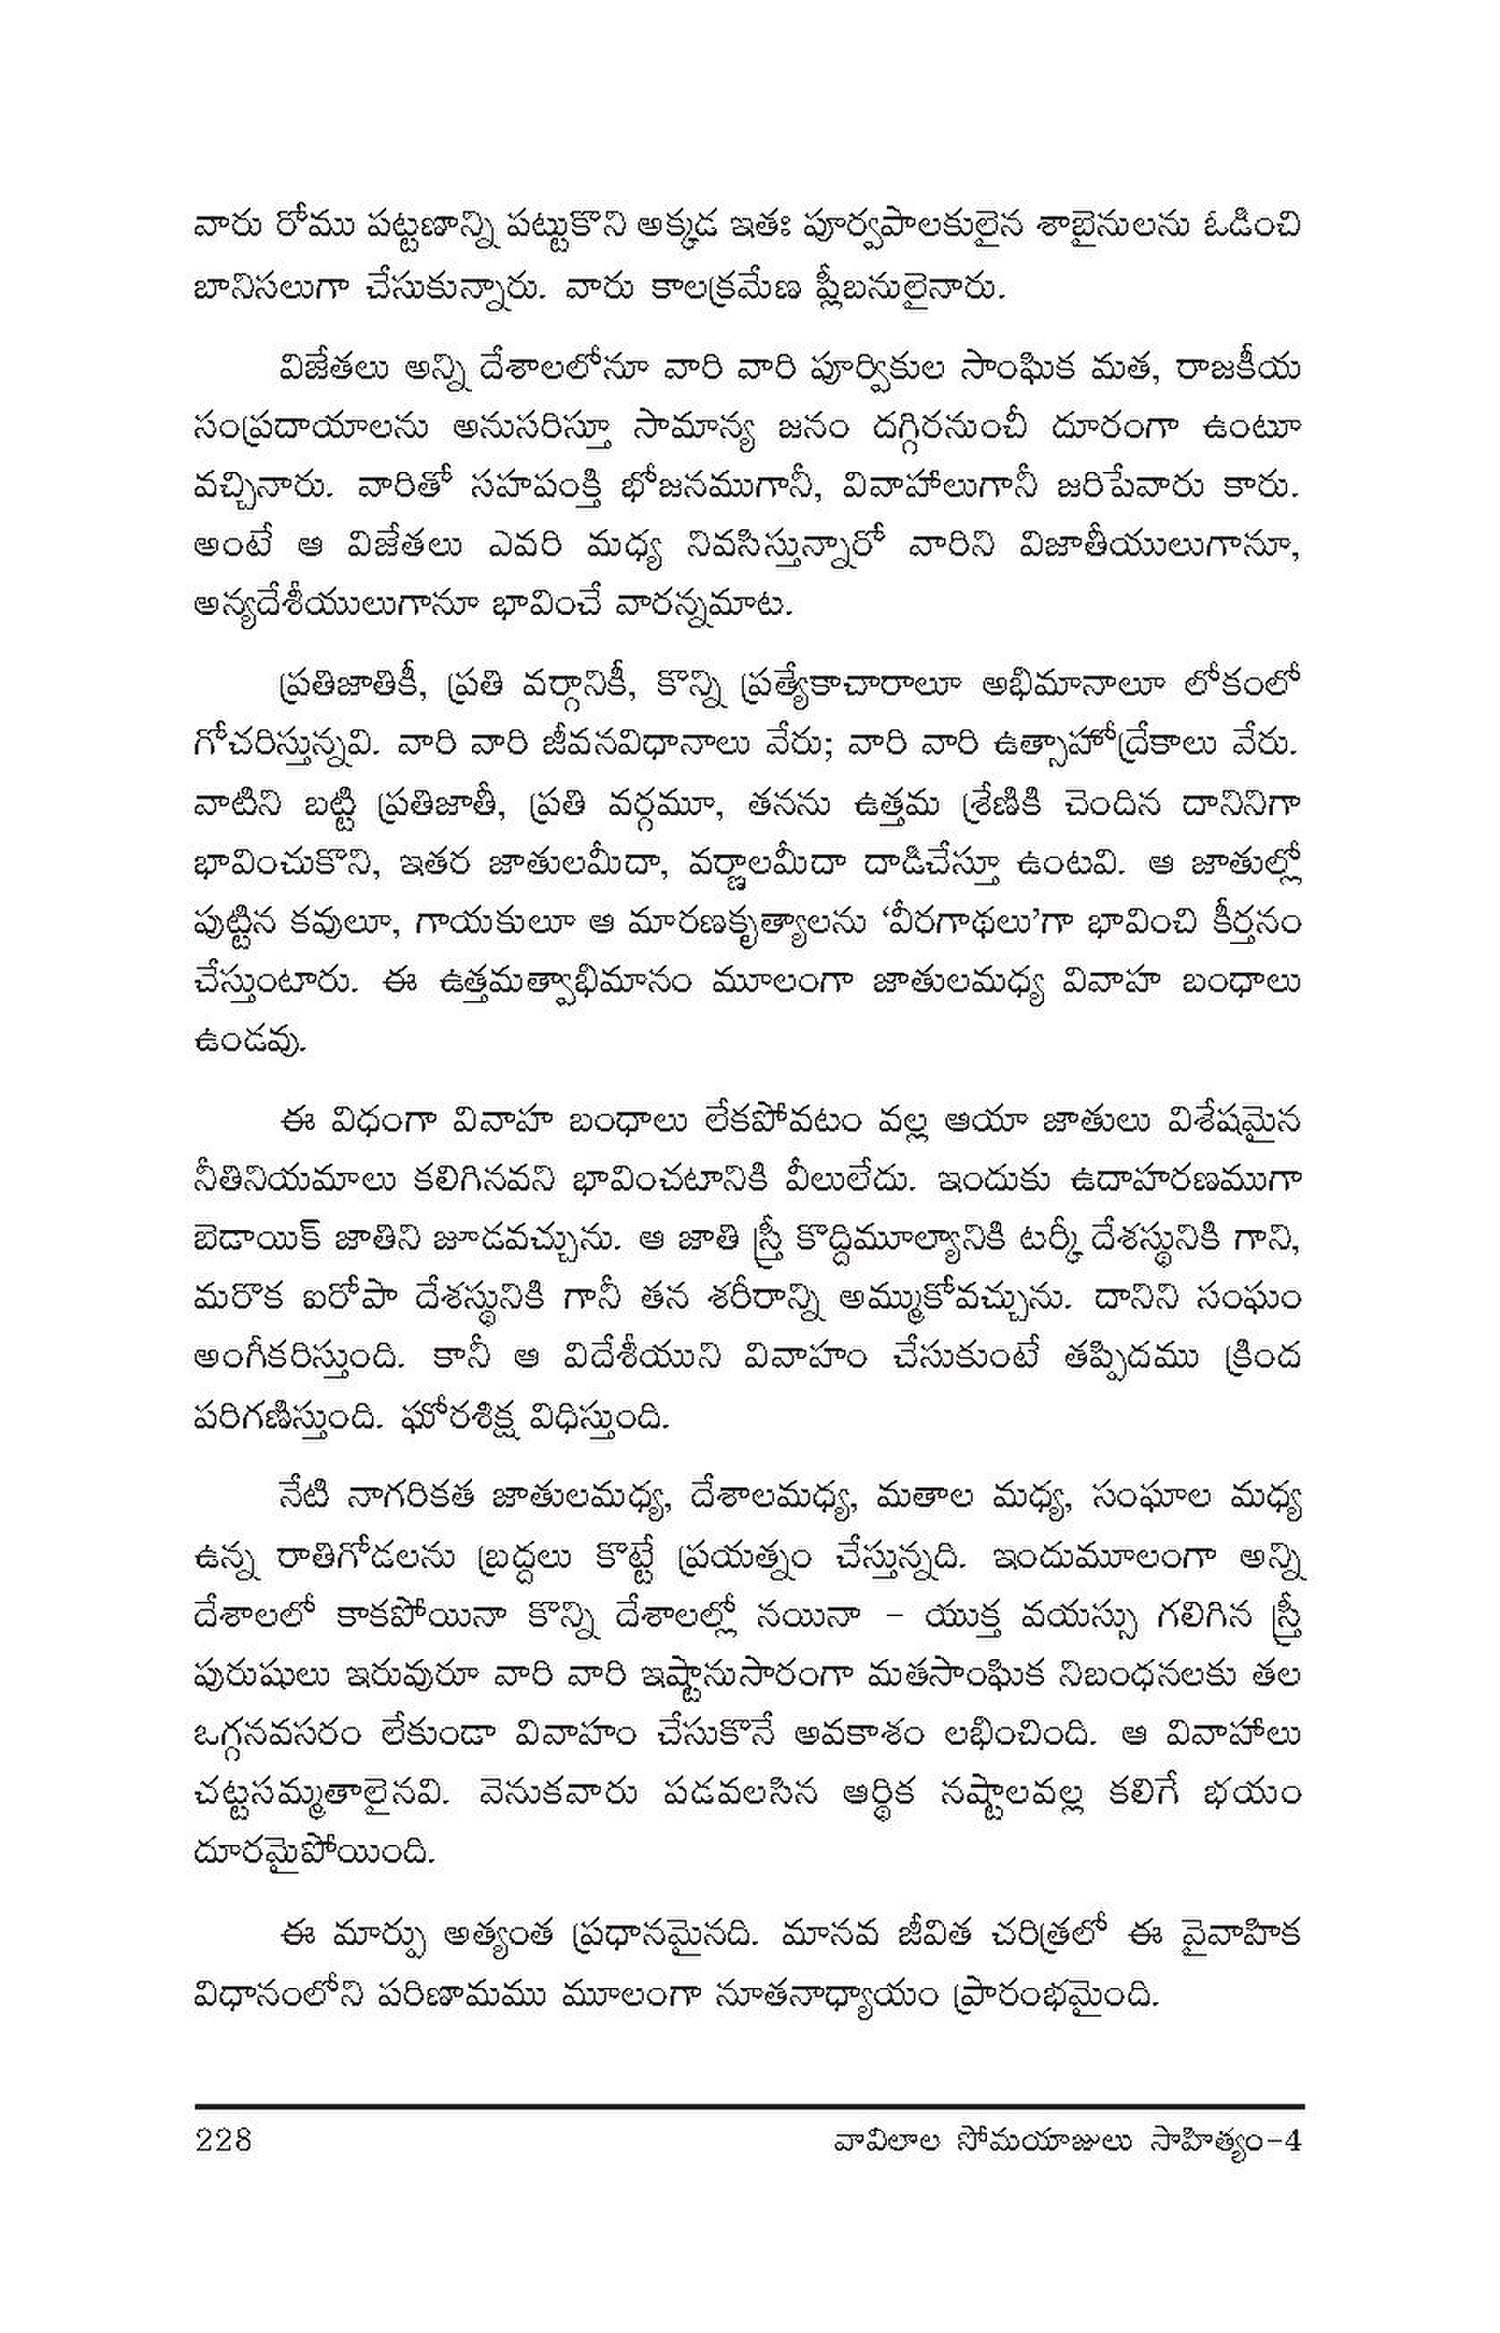వారు రోము పట్టణాన్ని పట్టుకొని అక్కడ ఇతః పూర్వపాలకులైన శాబైనులను ఓడించి
బానిసలుగా చేసుకున్నారు. వారు కాలక్రమేణ ప్లీబనులైనారు.

విజేతలు అన్ని దేశాలలోనూ వారి వారి పూర్వికుల సాంఘిక మత, రాజకీయ
సంప్రదాయాలను అనుసరిస్తూ సామాన్య జనం దగ్గిరనుంచీ దూరంగా ఉంటూ
వచ్చినారు. వారితో సహపంక్తి భోజనముగానీ, వివాహాలుగానీ జరిపేవారు కారు.
అంటే ఆ విజేతలు ఎవరి మధ్య నివసిస్తున్నారో వారిని విజాతీయులుగానూ,
అన్యదేశీయులుగానూ భావించే వారన్నమాట.

ప్రతిజాతికీ, ప్రతి వర్గానికీ, కొన్ని ప్రత్యేకాచారాలూ అభిమానాలూ లోకంలో
గోచరిస్తున్నవి. వారి వారి జీవనవిధానాలు వేరు; వారి వారి ఉత్సాహోద్రేకాలు వేరు.
వాటిని బట్టి ప్రతిజాతీ, ప్రతి వర్గమూ, తనను ఉత్తమ శ్రేణికి చెందిన దానినిగా
భావించుకొని, ఇతర జాతులమీదా, వర్ణాలమీదా దాడిచేస్తూ ఉంటవి. ఆ జాతుల్లో
పుట్టిన కవులూ, గాయకులూ ఆ మారణకృత్యాలను 'వీరగాథలు'గా భావించి కీర్తనం
చేస్తుంటారు. ఈ ఉత్తమత్వాభిమానం మూలంగా జాతులమధ్య వివాహ బంధాలు
ఉండవు.

ఈ విధంగా వివాహ బంధాలు లేకపోవటం వల్ల ఆయా జాతులు విశేషమైన
నీతినియమాలు కలిగినవని భావించటానికి వీలులేదు. ఇందుకు ఉదాహరణముగా
బెడాయిక్ జాతిని జూడవచ్చును. ఆ జాతి స్త్రీ కొద్దిమూల్యానికి టర్కీ దేశస్థునికి గాని,
మరొక ఐరోపా దేశస్థునికి గానీ తన శరీరాన్ని అమ్ముకోవచ్చును. దానిని సంఘం
అంగీకరిస్తుంది. కానీ ఆ విదేశీయుని వివాహం చేసుకుంటే తప్పిదము క్రింద
పరిగణిస్తుంది. ఘోరశిక్ష విధిస్తుంది.

నేటి నాగరికత జాతులమధ్య, దేశాలమధ్య, మతాల మధ్య, సంఘాల మధ్య
ఉన్న రాతిగోడలను బ్రద్దలు కొట్టే ప్రయత్నం చేస్తున్నది. ఇందుమూలంగా అన్ని
దేశాలలో కాకపోయినా కొన్ని దేశాలల్లో నయినా - యుక్త వయస్సు గలిగిన స్త్రీ 
పురుషులు ఇరువురూ వారి వారి ఇష్టానుసారంగా మతసాంఘిక నిబంధనలకు తల
ఒగ్గనవసరం లేకుండా వివాహం చేసుకొనే అవకాశం లభించింది. ఆ వివాహాలు
చట్టసమ్మతాలైనవి. వెనుకవారు పడవలసిన ఆర్థిక నష్టాలవల్ల కలిగే భయం
దూరమైపోయింది.

ఈ మార్పు అత్యంత ప్రధానమైనది. మానవ జీవిత చరిత్రలో ఈ వైవాహిక
విధానంలోని పరిణామము మూలంగా నూతనాధ్యాయం ప్రారంభమైంది.